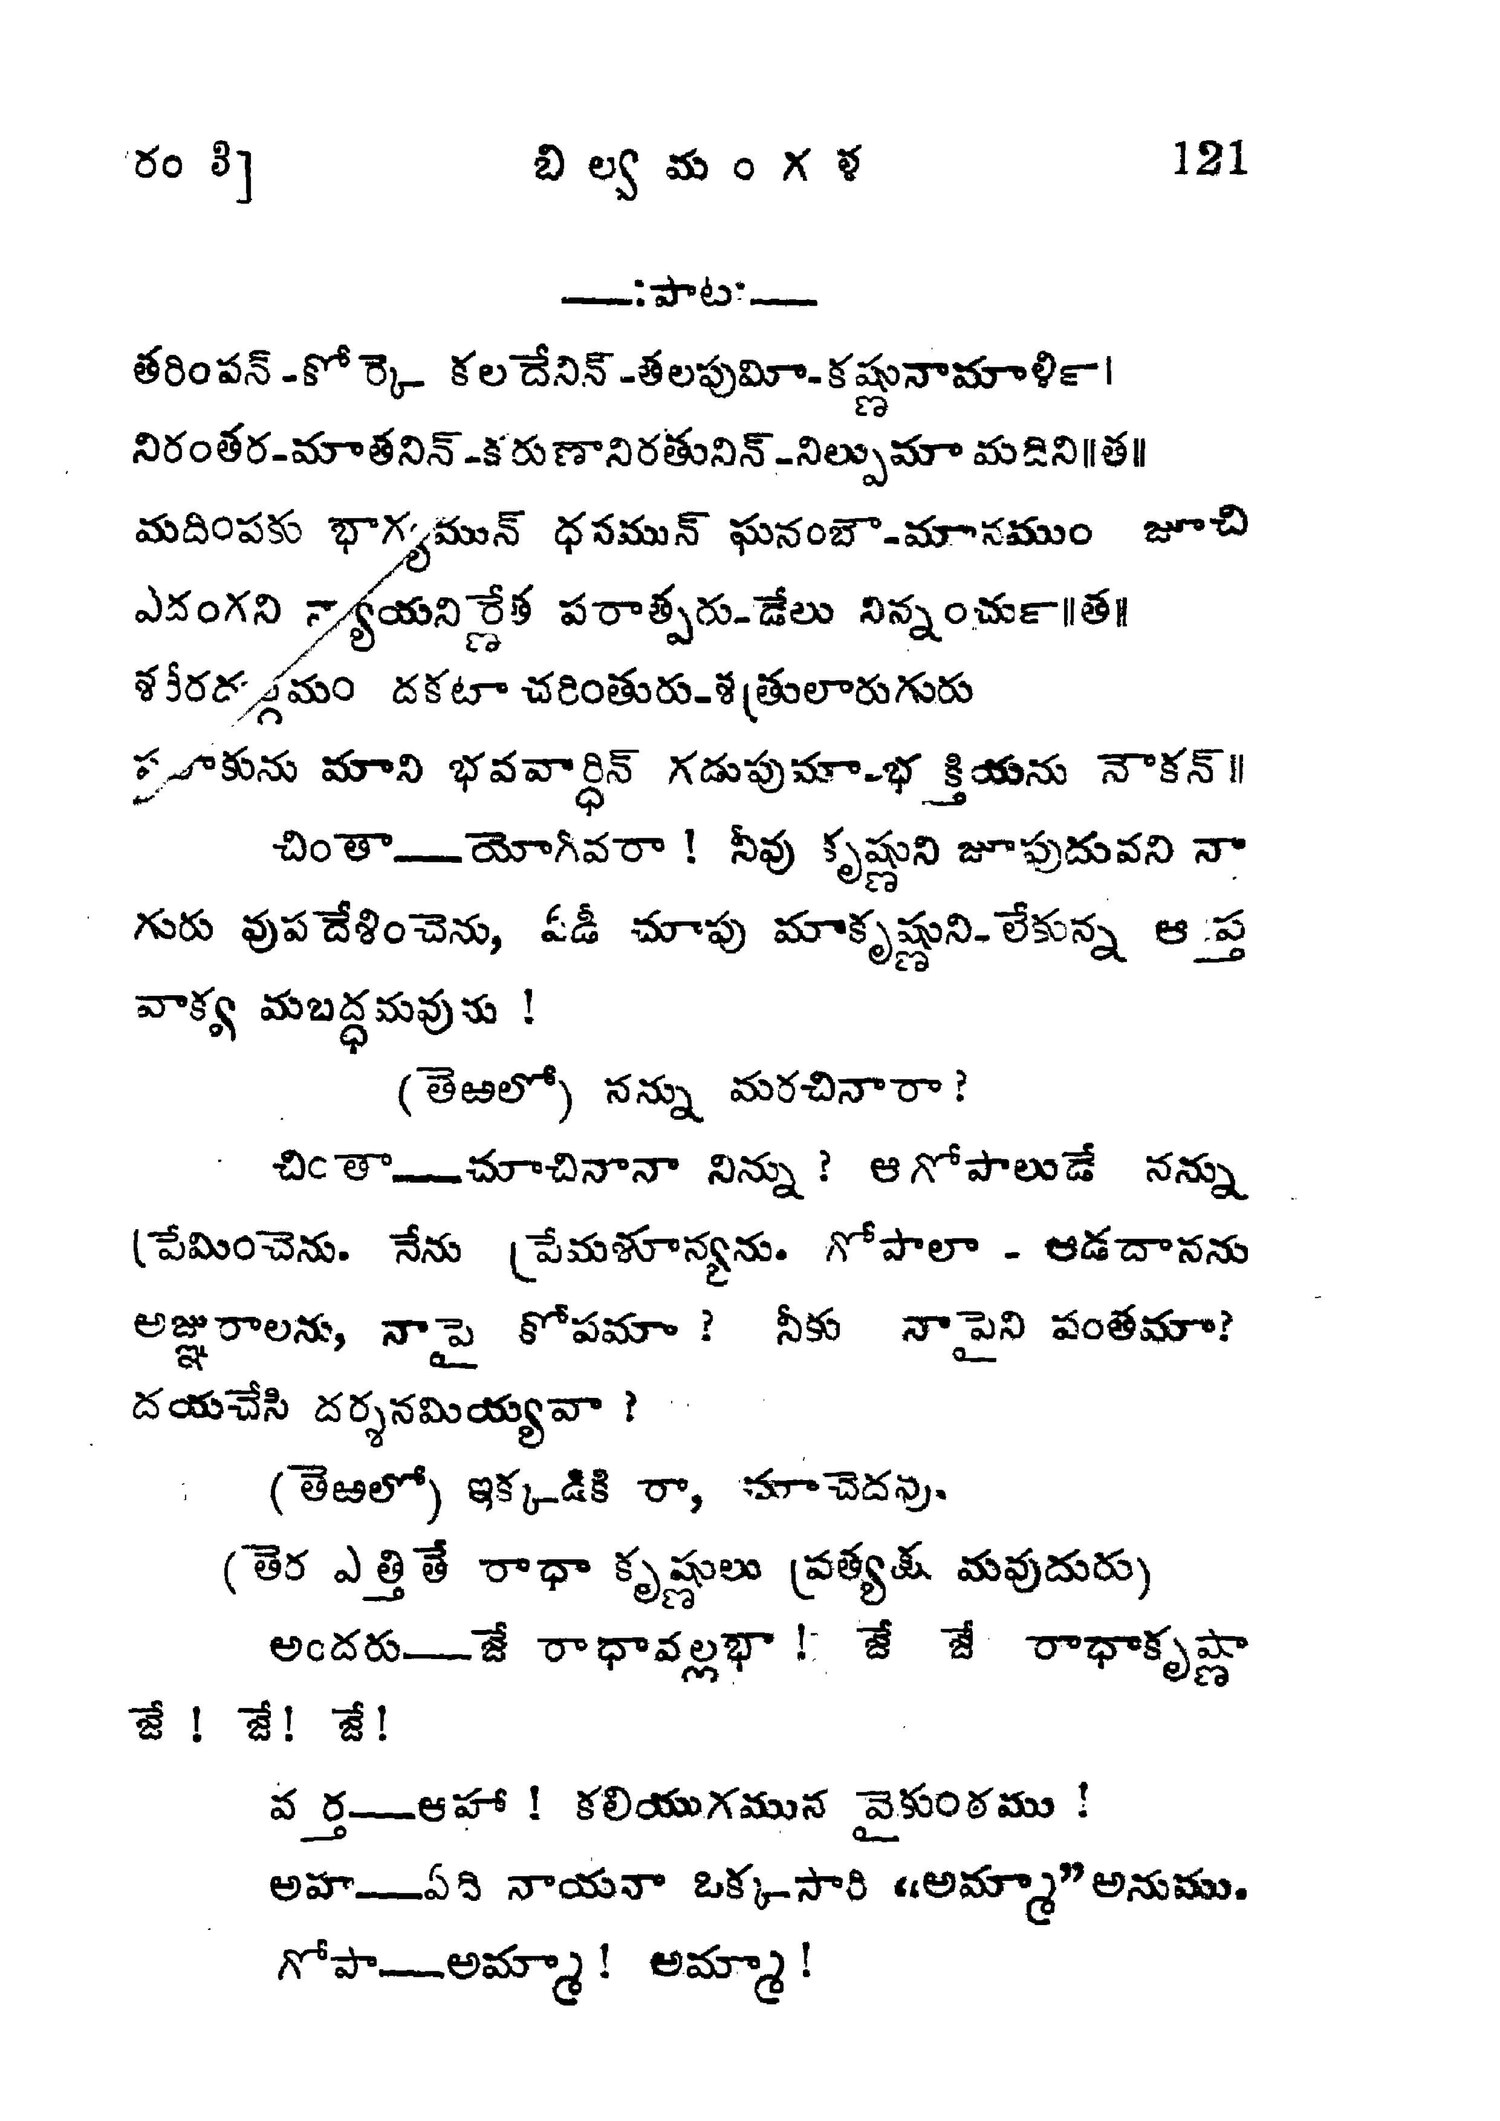తరింపన్ - కోర్కె కలదేనిన్ - తలపుమీ - కృష్ణునామాళిన్!
 నిరంతర - మాతనిన్ - కరుణానిరతునిన్ - నిల్పుమా మదిని||త||
 మదింపకు భాగ్యమున్ ధనమున్ ఘనంబౌ - మానముం జూచి
 ఎదంగని న్యాయనిర్ణేత పరాత్పరు-డేలు నిన్నంచున్||త||
 శరీర దుర్గమం దకటా చరింతురు-శత్రులారుగురు
 --కును మాని భవవార్ధిన్ గడుపుమా-భక్తియను నౌకన్||

చింతా - యోగివరా ! నీవు కృష్ణుని జూపుదువని నా గురు వుపదేశించెను, ఏడీ చూపు మాకృష్ణుని-లేకున్న ఆప్త వాక్య మబద్ధమవును!

చింతా - చూచినానా నిన్ను ? ఆగోపాలుడే నన్ను ప్రేమించెను. నేను ప్రేమశూన్యను. గోపాలా - ఆదదానను అజ్ఞురాలను, నాపై కోపమా ? నీకు నాపైని పంతమా? దయచేసి దర్శనమియ్యవా?

(తెఱలో) ఇక్కడికి రా, చూచెదవు.

అందరు - జే రాధావల్లభా! జే జే రాధాకృష్ణా జే! జే! జే!

వర్త - ఆహా ! కలియుగమున వైకుంఠము!

అహ - ఏది నాయనా ఒక్కసారి "అమ్మా" అనుము.

గోపా - అమ్మా! అమ్మా!